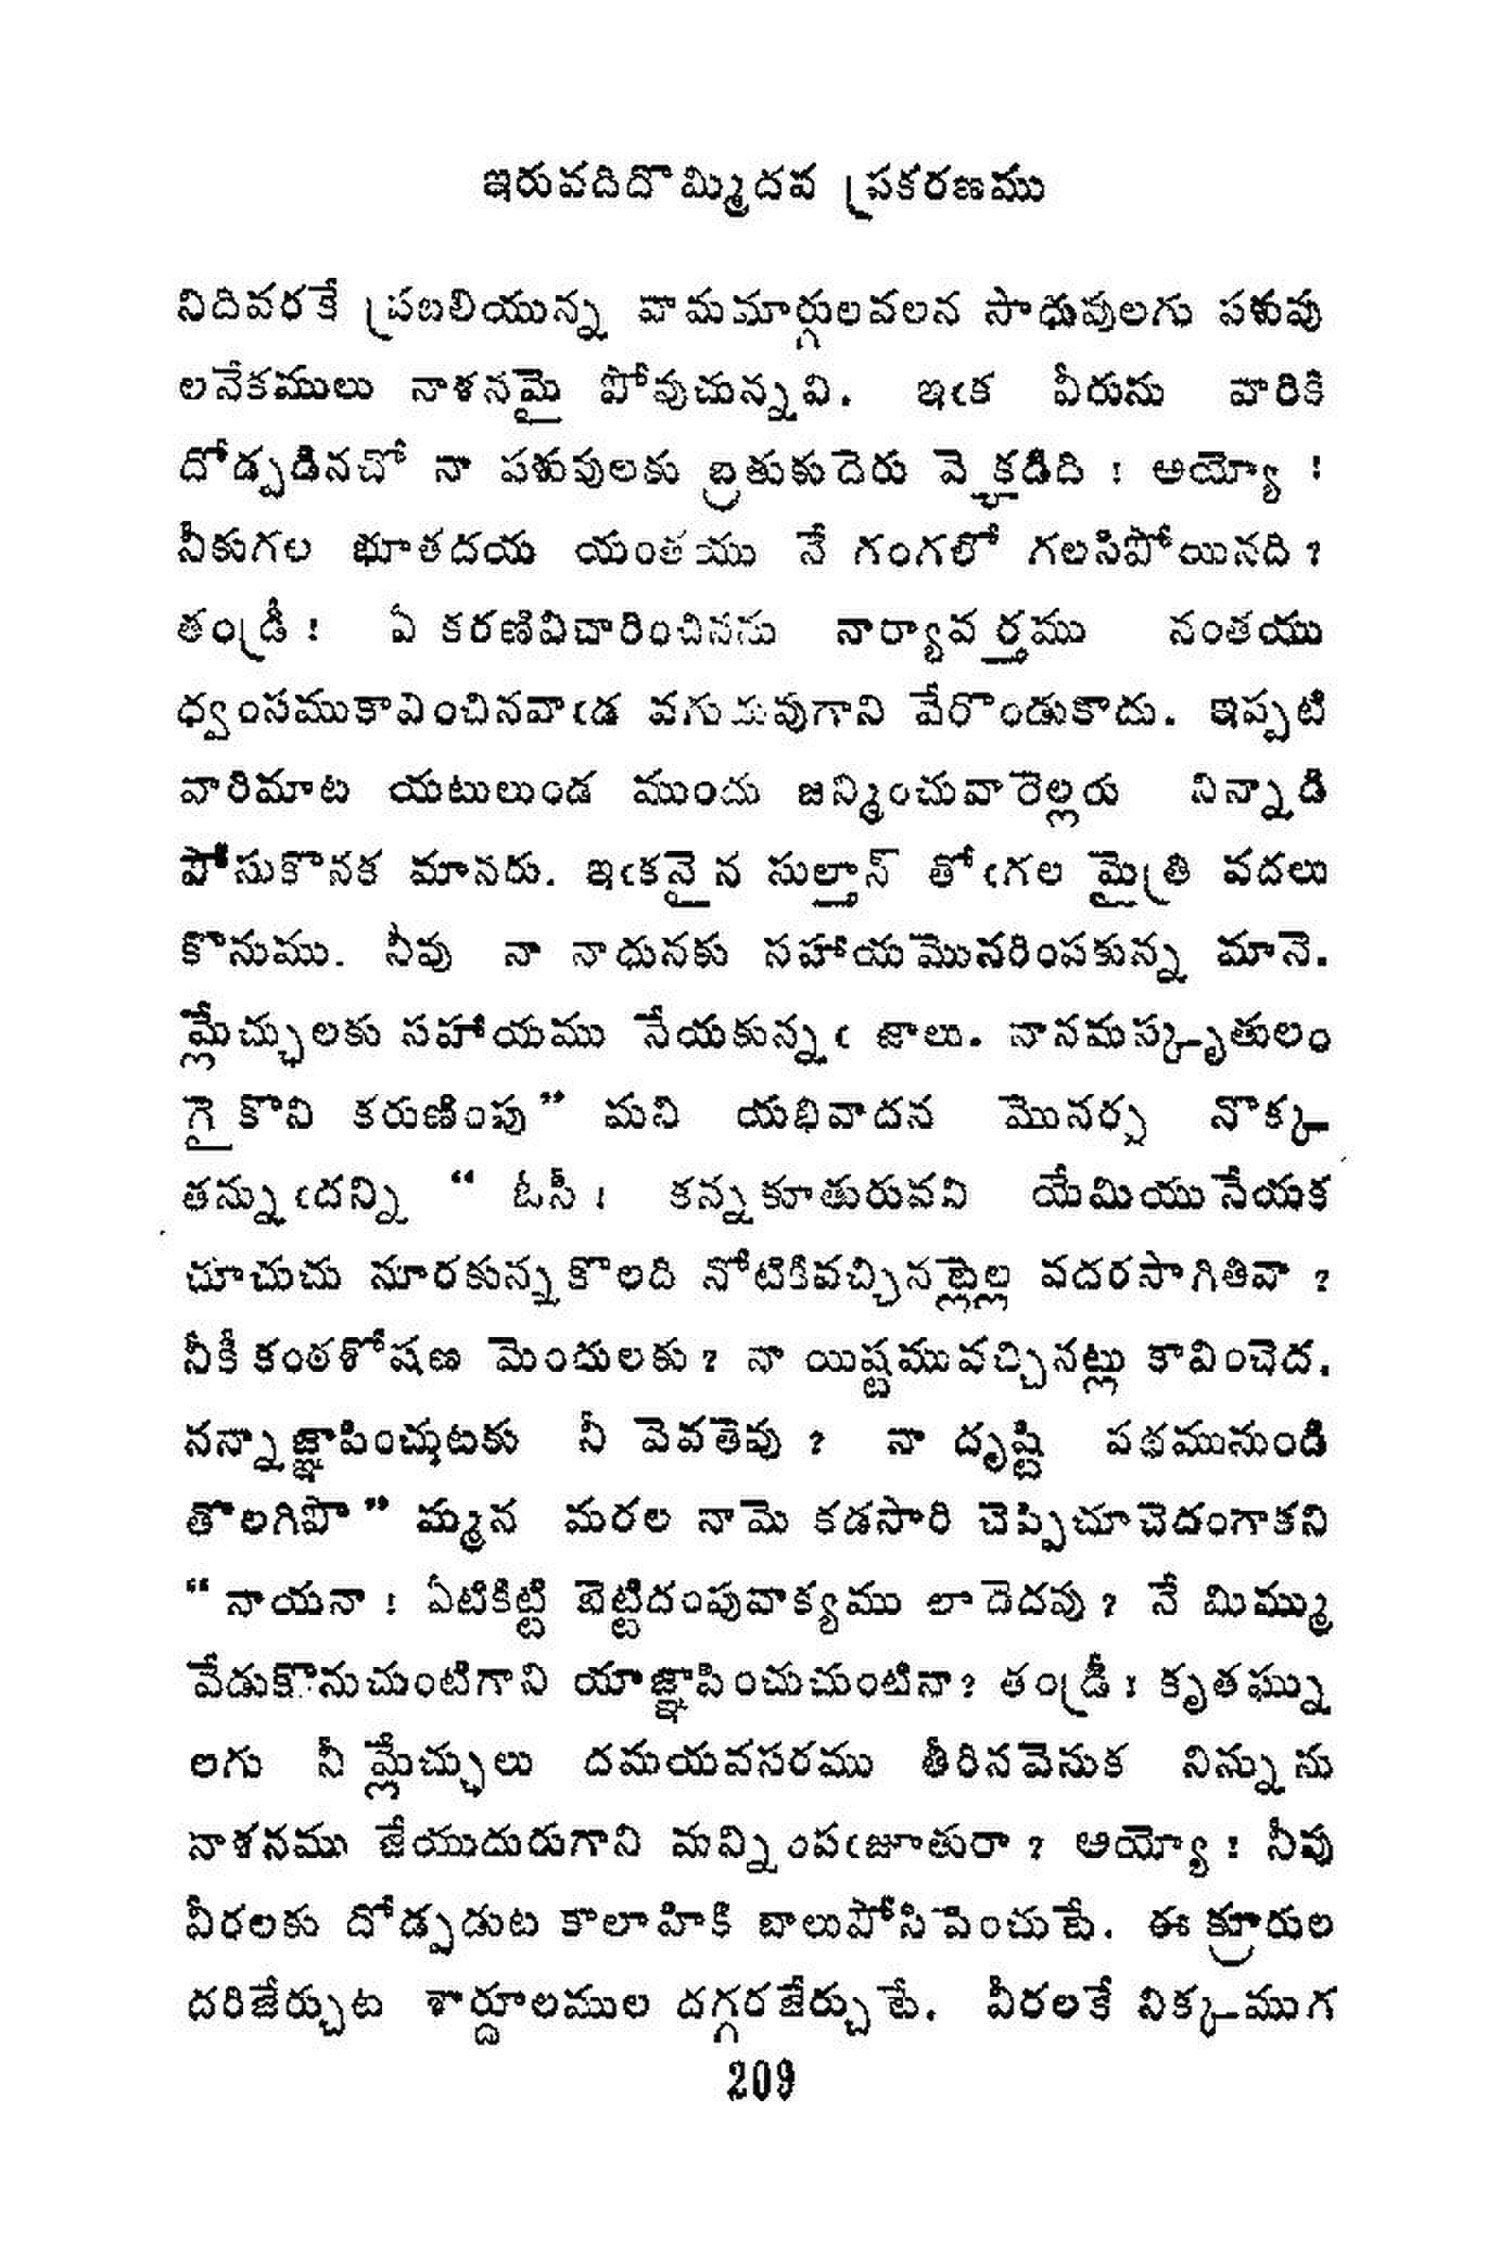నిదివరకే ప్రబలియున్న వామమార్గులవలన సాధువులగు పశుపు లనేకములు నాశనమై పోవుచున్నవి. ఇఁక వీరును వారికి దోడ్పడినచో నా పశువులకు బ్రతుకుదెరు వెక్కడిదిది! అయ్యో !నీకుగల భూతదయ యంతయు నే గంగలో గలసిపోయినది? తండ్రీ ! ఏ కరణివిచారించినను నార్యావర్తము నంతయు ధ్వంసముకావించినవాఁడ వగుదువుగాని వేరొండుకాదు. ఇప్పటి వారిమాట యటులుండ ముందు జన్మించువారెల్లరు నిన్నాడి పోసుకొనక మానరు. ఇఁకనైన సుల్తాన్ తోఁగల మైత్రి వదలుకొనుము. నీవు నా నాధునకు సహాయమొనరింపకున్న మానె. మ్లేచ్చులకు సహాయము సేయకున్నఁ జాలు. నానమస్కృతులం గైకొని కరుణింపు" మని యభివాదన మొనర్చ నొక్క తన్నుదన్ని " ఓసీ ! కన్నకూతురువని యేమియు సేయక చూచుచు నూరకున్నకొలది నోటికివచ్చినట్లెల్ల వదరసాగితివా ? నీకీ కంఠశోషణ మెందులకు ? నా యిష్టమువచ్చినట్లు కావించెద. నన్నాజ్ఞాపించుటకు నీ వెవతెవు ? నా దృష్టి పథమునుండి తొలగిపొ"మ్మన మరల నామె కడసారి చెప్పిచూచెదంగాకని " నాయనా ! ఏటికిట్టి బెట్టిదంపువాక్యము లా డెదవు ? నే మిమ్ము వేడుకొనుచుంటిగాని యాజ్ఞాపించుచుంటినా? తండ్రీ ! కృతఘ్నులగు నీ మ్లేచ్చులు దమయవసరము తీరినవెనుక నిన్నును నాశనము జేయుదురుగాని మన్నింపఁజూతురా? అయ్యో ! నీవు వీరలకు దోడ్పడుట కాలాహికి బాలుపోసి పెంచుటే. ఈ క్రూరుల దరిజేర్చుట శార్దూలముల దగ్గరజేర్చుటే. వీరలకే నిక్కముగ